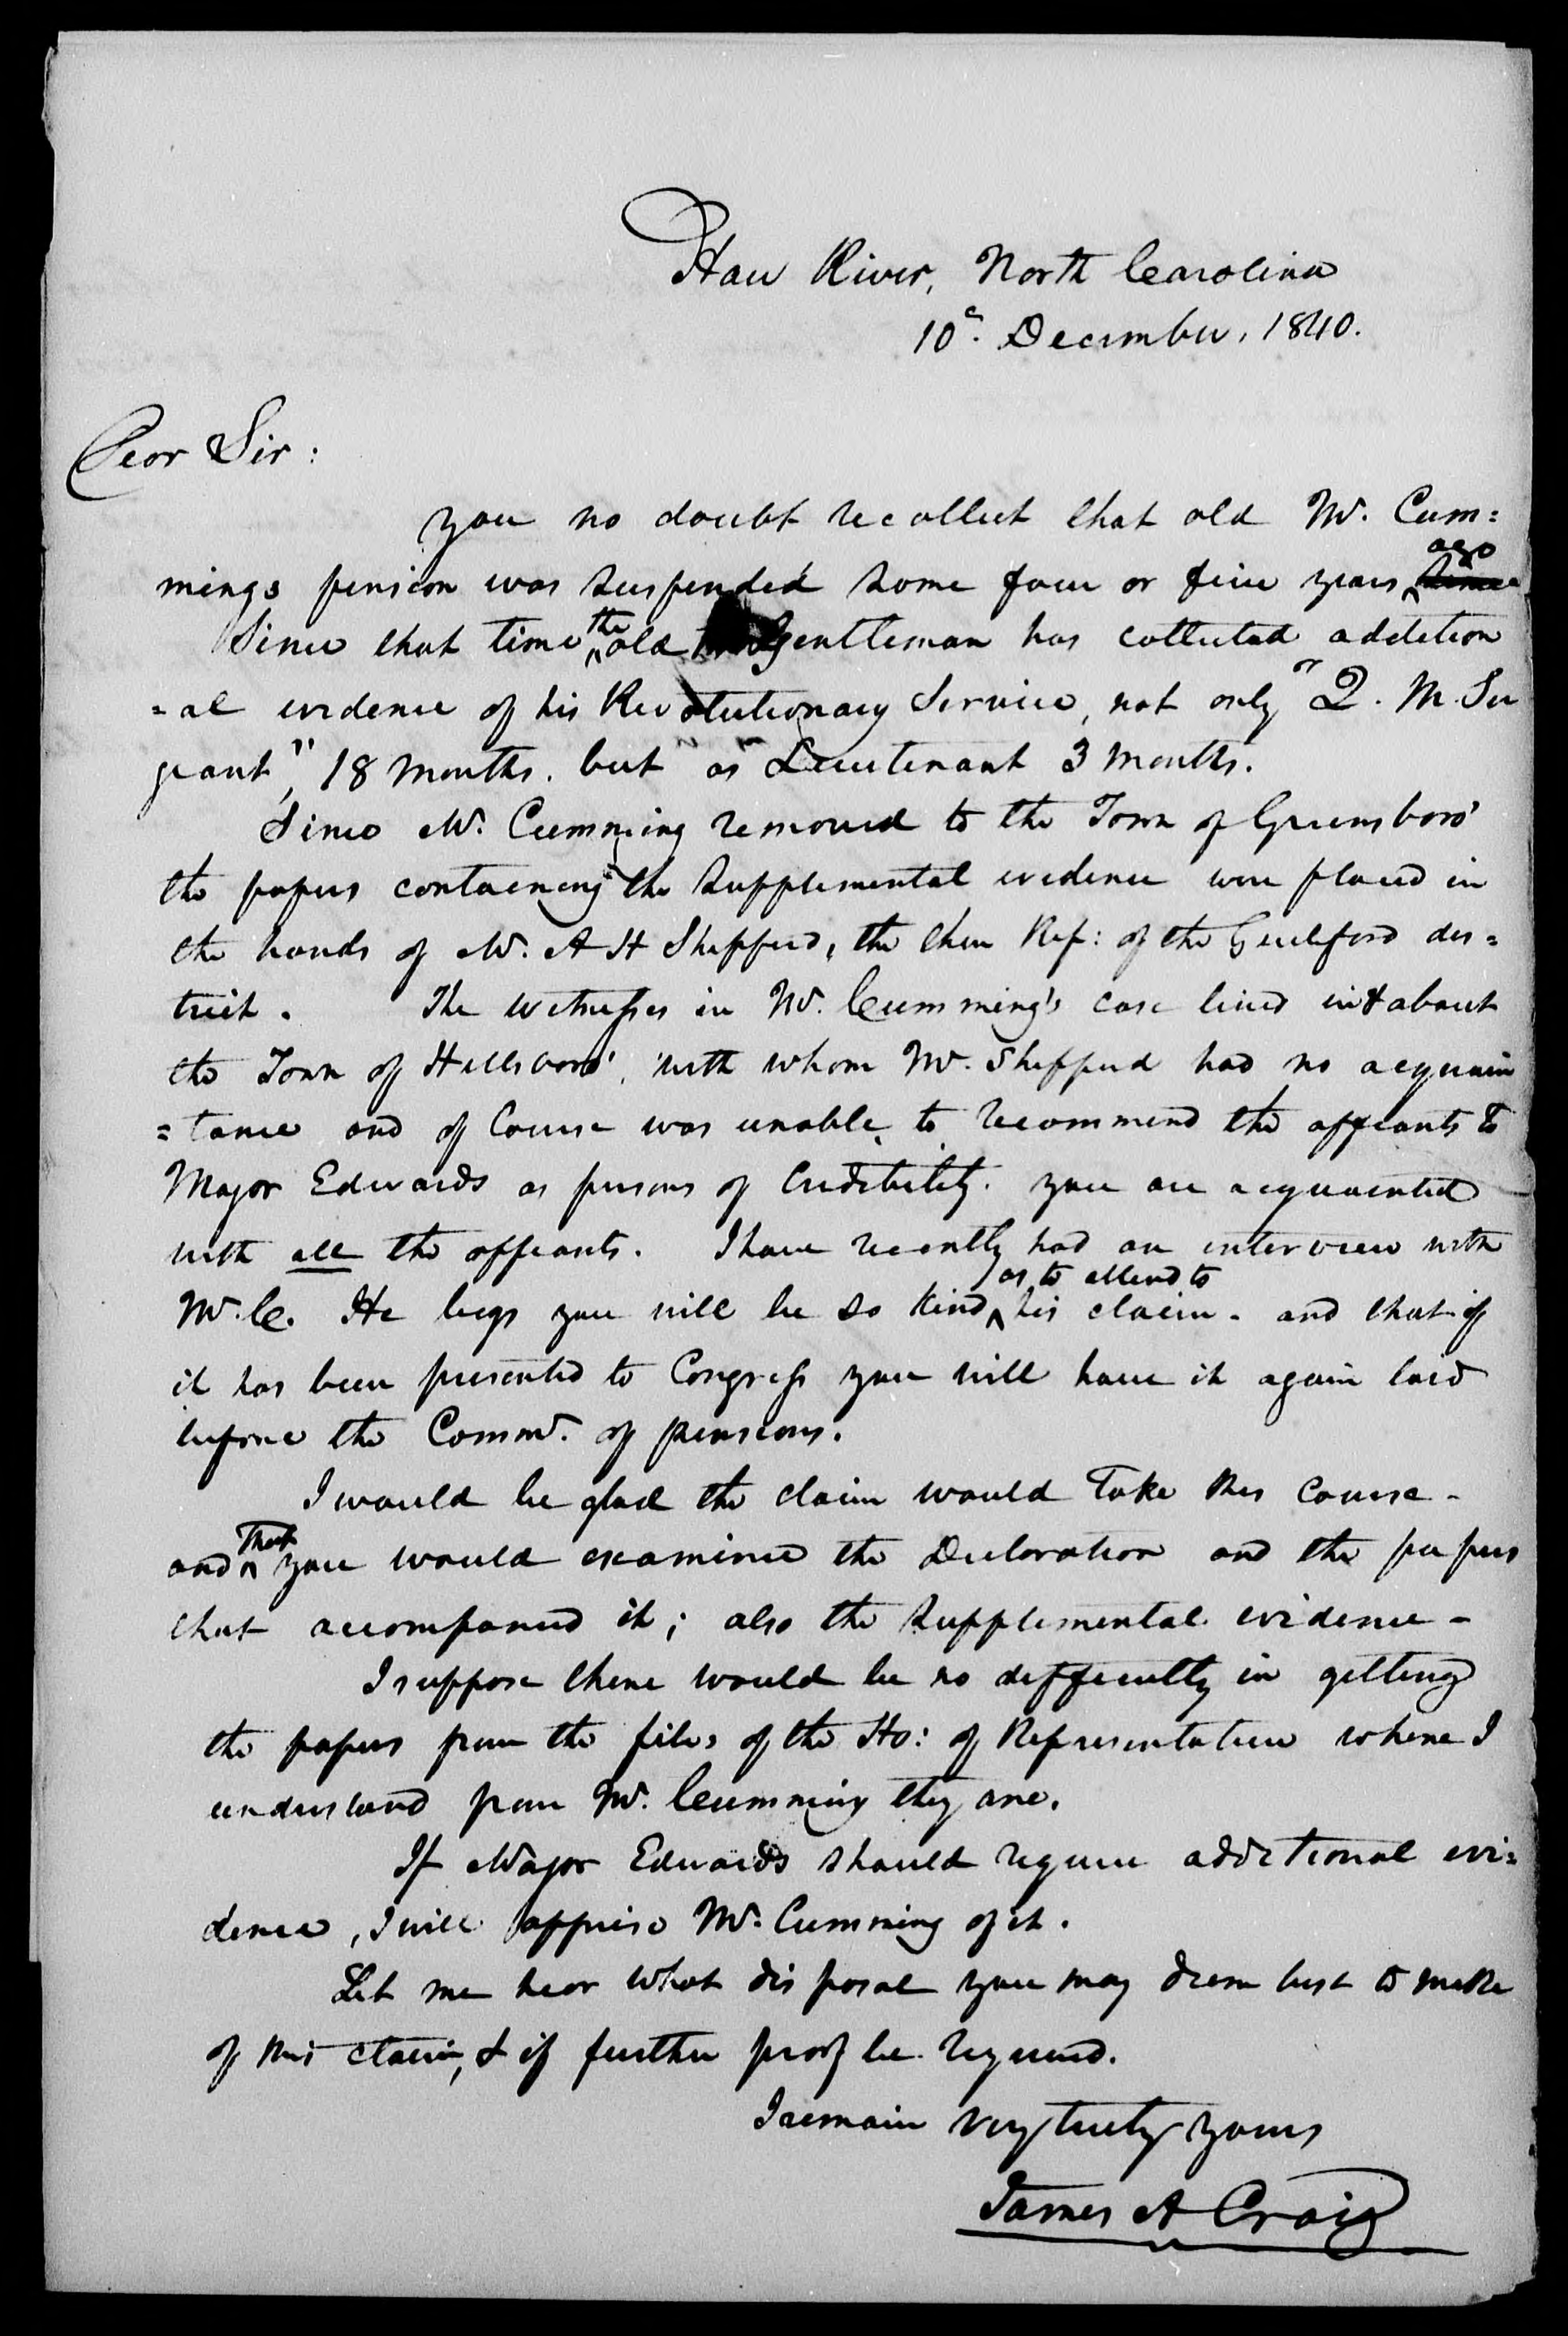[Handwritten letter.  Occasional spacing has been included to make the long text block easier to read.]

Haw River, North Carolina
10th. December, 1840.

Dear Sir:

you no doubt recollect that old Mr. Cummings pension was Suspended Some four or five years [here the word "Since" was stricken out, and the following word written above:] ^ago

Since that time the old [ink blot] Gentleman has collected additional evidence of his Revolutionary Service, not only "Q.M.Serjeant," ["Quarter Master Sergeant,"] 18 Months, but as Leiutenant [Lieutenant] 3 Months.

Since W. Cumming removed to the Town of Greensboro' the papers containing the Supplemental evidence were placed in the hands of W. A H Shepperd, the then Ref: [or Rep: possibly meaning Representative] of the Guilford district. 

The witnesses in W. Cumming's case lived in and about the Town of Hillsboro', with whom Mr. Shepperd had no acquaintance and of Course was unable to recommend the affiants to Major Edwards as persons of Credibility.  You are acquainted with [here the following word is underlined:] all the affiants.

I have recently had an interview with Mr. C. [or W. C., probably meaning Mr. or William Cumming.]  He begs you will be so kind ^as to attend to his claim. and that if it has been presented to Congress you will have it again laid before the Commr. [Commissioner]. of pensions.

I would be glad the claim would take this Course - and ^that you would examine the Declaration and the papers that accompanied it; also the Supplemental evidence -

I suppose there would be no difficulty in getting the papers from the files of the Ho: [House] of Representatives where I understand from Mr. Cumming they are.

If Major Edwards should require additional evidence, I will apprise Mr. Cumming of it.

Let me hear which disposal you may deem best to Make of this claim, and if further proof be required.

I remain very truly yours
[Underlined signature:]  James A Craig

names: Cumming, Cummings, Cummings, Cumming, Edwards, A H Shepperd, Edwards, James A Craig, Cumming, Shepperd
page: 109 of 145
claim: survivor's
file: S. 8265, William Cumming, N.C.